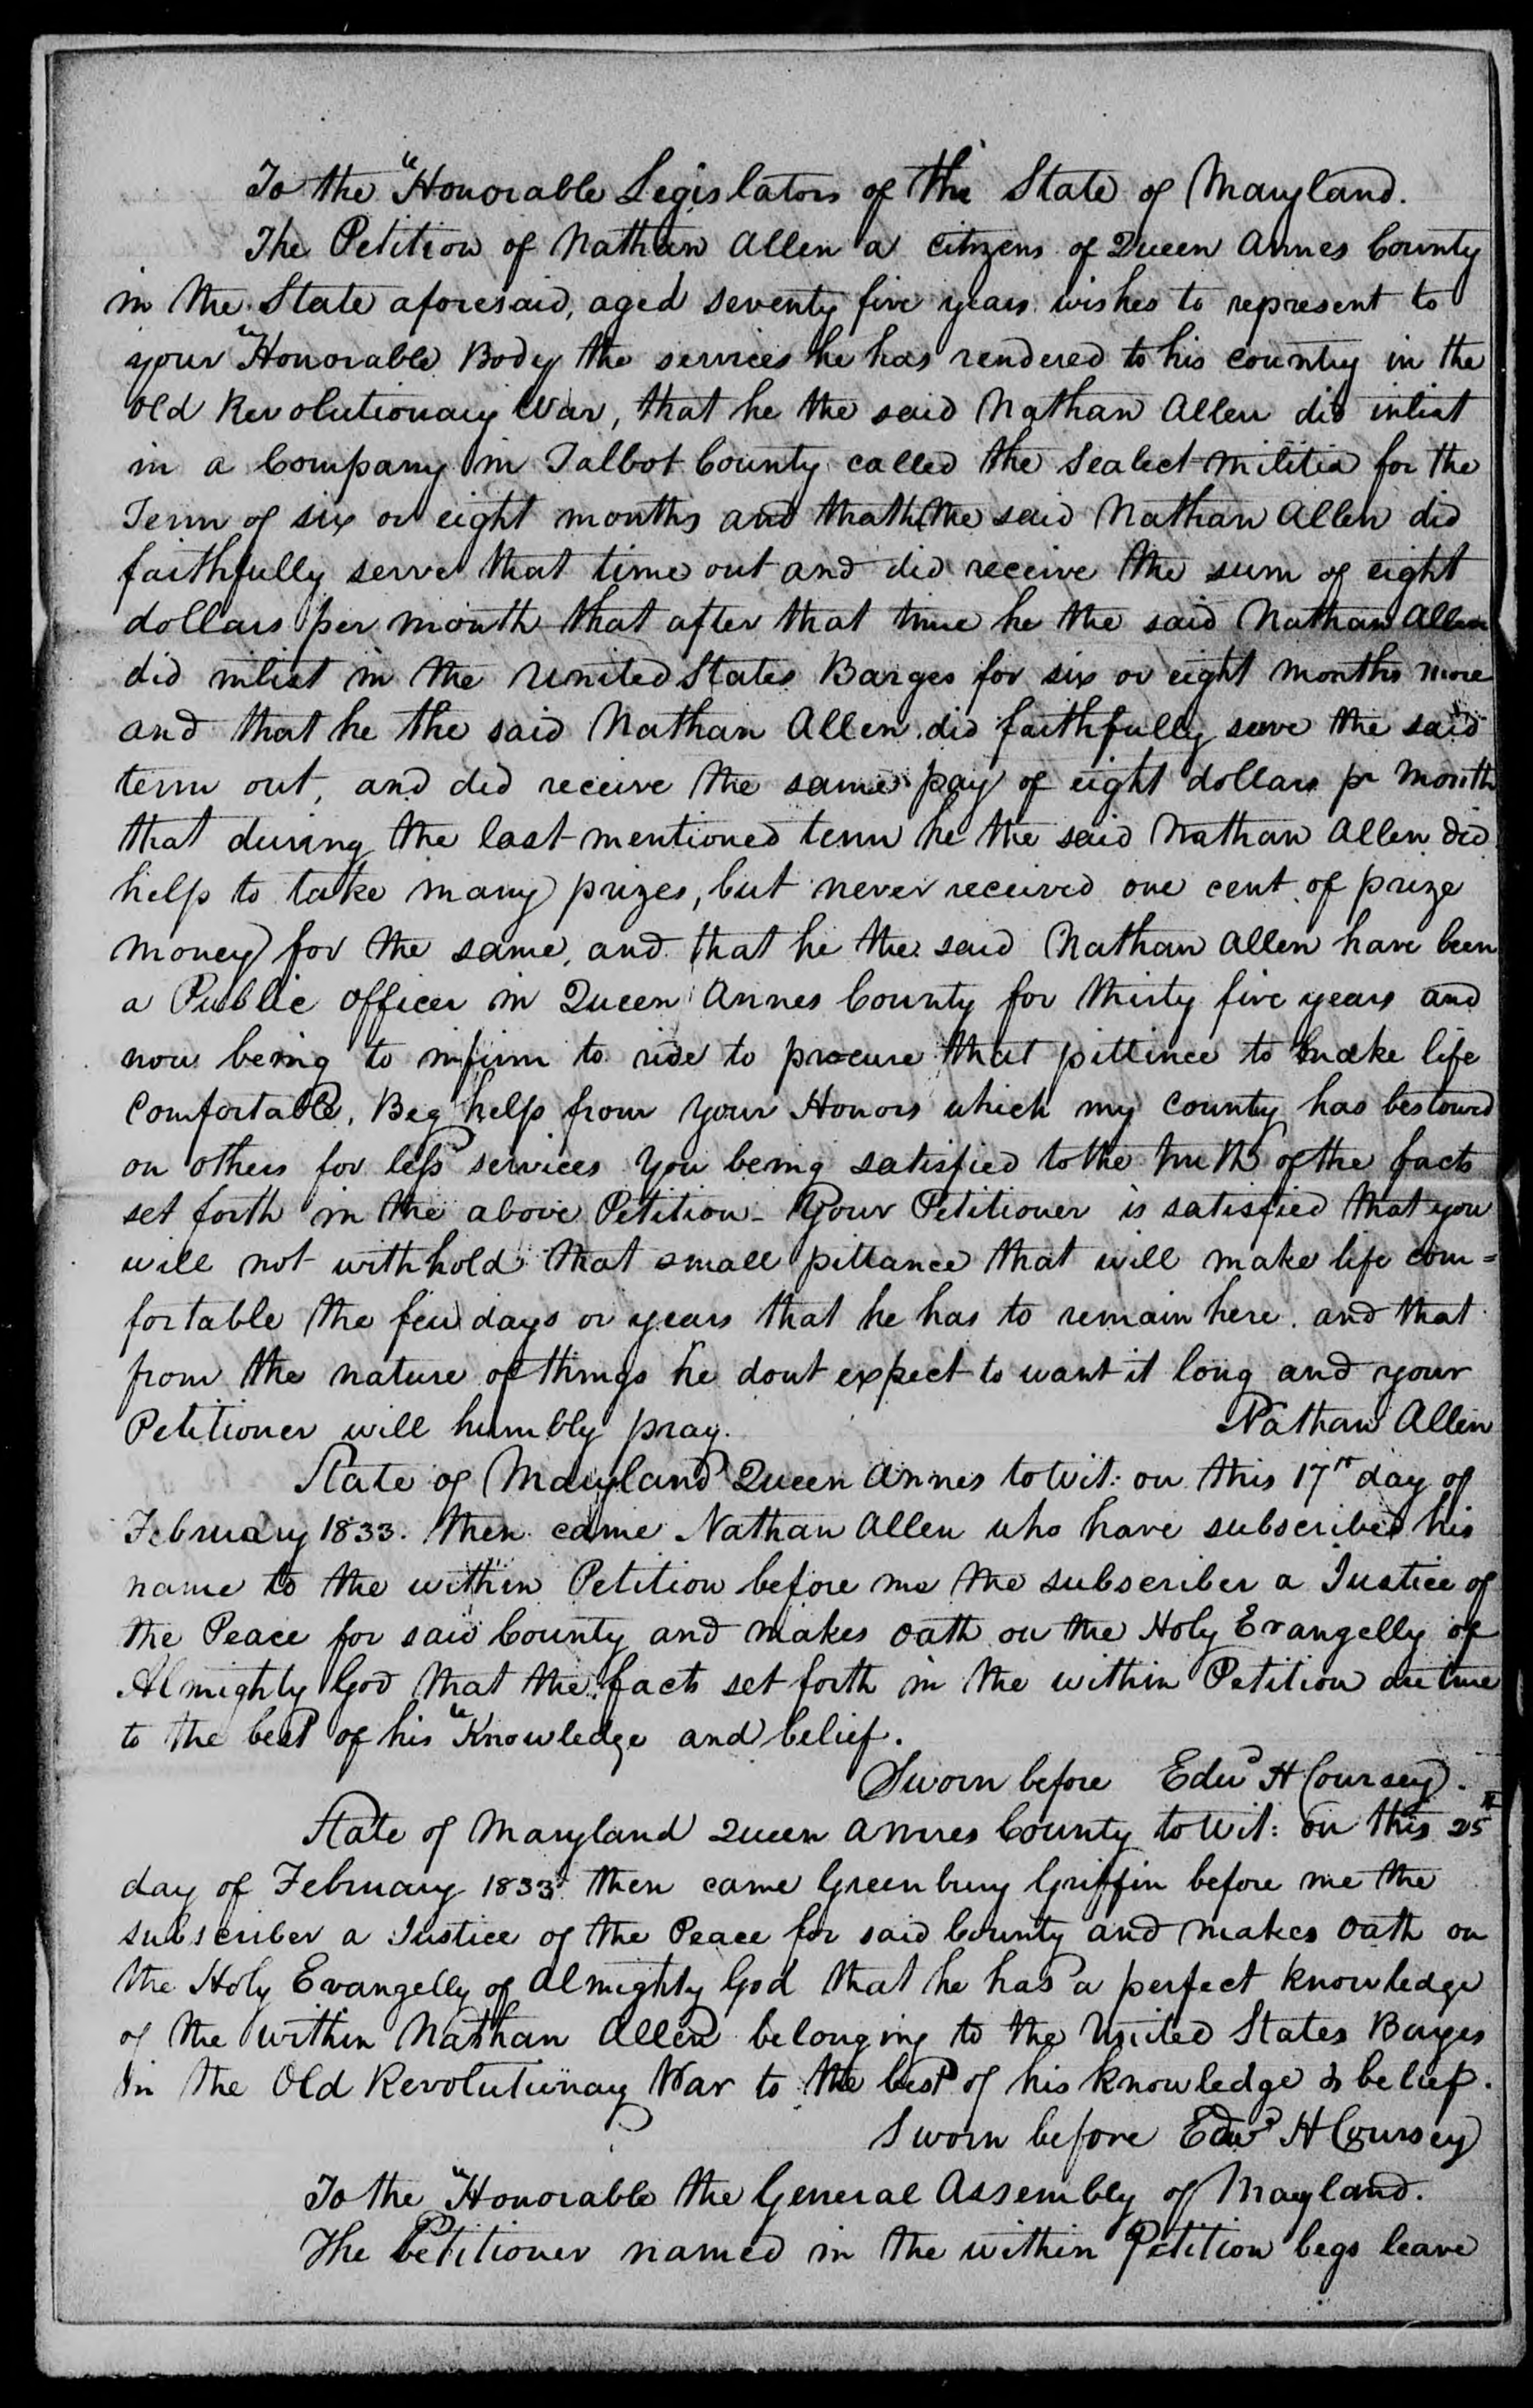To the Honorable Legislators of the State of Maryland

The petition of Nathan Allen a citizen of Queen Anne's County in the state aforesaid aged seventy-five years wishes to present to your honorable body the services he has rendered to his country in the old revolutionary war, that he the said Nathan Allen did enlist in a company in Talbot County called the Select Militia for the term of six or eight months and that he the said Nathan Allen did faithfully serve that time out and did received the sum of eight dollars per month that after that time he the said Nathan Allen did enlist in the United States Barges for six or eight months more and that he the said Nathan Allen did faithfully serve the said term out and did receive the same pay of eight dollars per month. that during the last-mentioned term he the said Nathan Allen did help to take many prizes but never received one cent of prize money for the same and that he the said Nathan Allen have been a public officer in Queen Annes County for thirty-five years and now being too infirm to ride to procure that pittance to make life comfortable. Beg help form your honors which my country has bestowed on others for less services you being satisfied to the truth of the facts set forth in the above petition. Your petitioner is satisfied that you will not withhold that small pittance that will make life comfortable the few days or years that he has to remain here and that from the nature of things he don't expect to want it long and your petitioner will humbly pray.

Nathan Allen

State of Maryland Queen Annes to wit;

On this 17th day of February 1833 then came Nathan Allen who have subscribed his name to the within petition before me the subscriber a Justice of the Peace for said county and makes oath on the Holy Evangely of Almighty God that the facts set forth in the within petition are true to the best of his knowledge and belief.

Sworn before Edw'd H Coursey

State of Maryland Queen Annes County to wit:

On the 25th day of February 1833 then came Greenbury Griffin before me the subscriber a Justice of the Peace for said county and makes oath on the Holy Evangely of Almighty God that he has a perfect knowledge of the within Nathan Allen belonging to the United States Barges in the old revolutionary war to the best of his knowledge or belief.

Sworn before Edw'd H Coursey

To the Honorable the General Assembly of Maryland
The petitioner named in the within petition begs leave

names: Edwd H Coursey, Greenbury Griffin, Nathan Allen, Nathan Allen, Nathan Allen, Nathan Allen, Nathan Allen, Nathan Allen, Nathan Allen, Nathan Allen, Edwd H Coursey, Nathan Allen, Nathan Allen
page: 13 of 14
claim: survivor's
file: S. 8,011, Nathan Allen, Md. And Sea Service